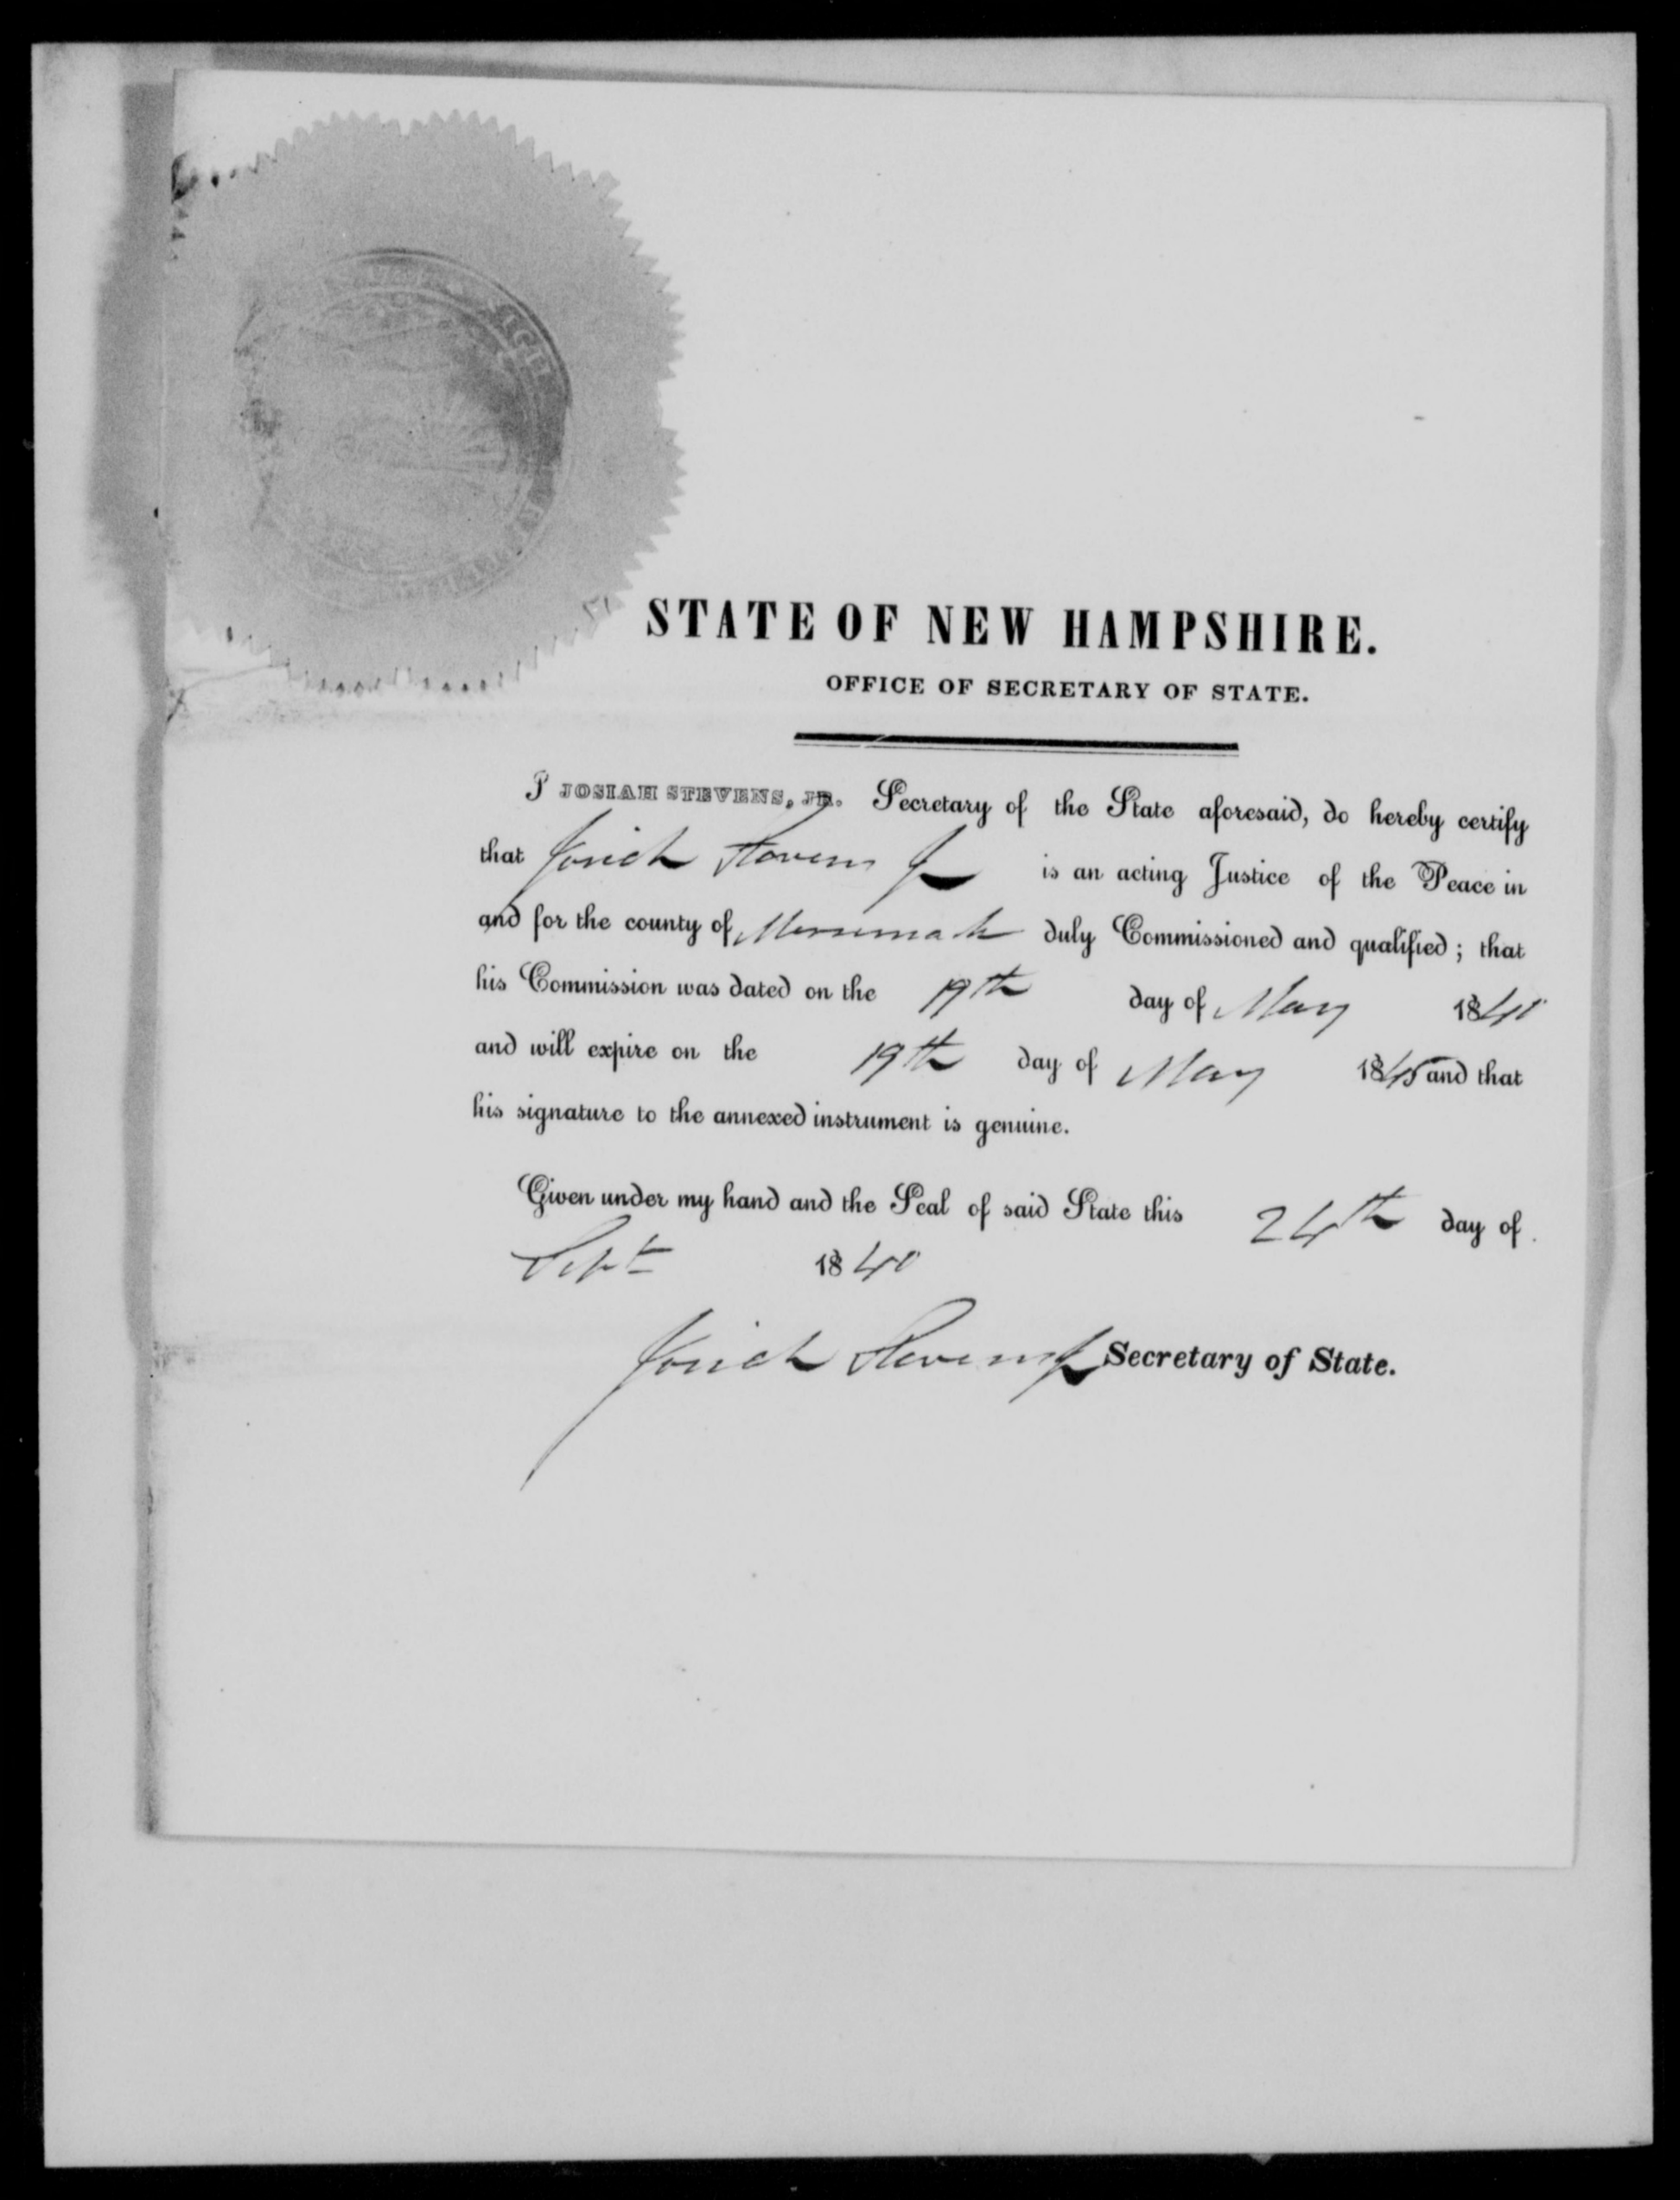STATE OF NEW HAMPSHIRE.
OFFICE OF SECRETARY OF STATE.
I JOSIAN STEVENS, JR. Secretary of the State aforesaid, do hereby certify that Josiah Stevens Jr is an acting Justice of the Peace in and for the County of Merrimack duly Commissioned and qualified; that his Commission was dated on the 19th day of May 1841 and will expire on the
19th day of May 1845 and that his signature to the annexed instrument is genuine.
Given under my hand and the Seal of said State this 24th day of Sept 1840
Josiah Stevens Secretary of State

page: 43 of 55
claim: widow's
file: W. 14,021, for Samuel Tilton, New Hampshire